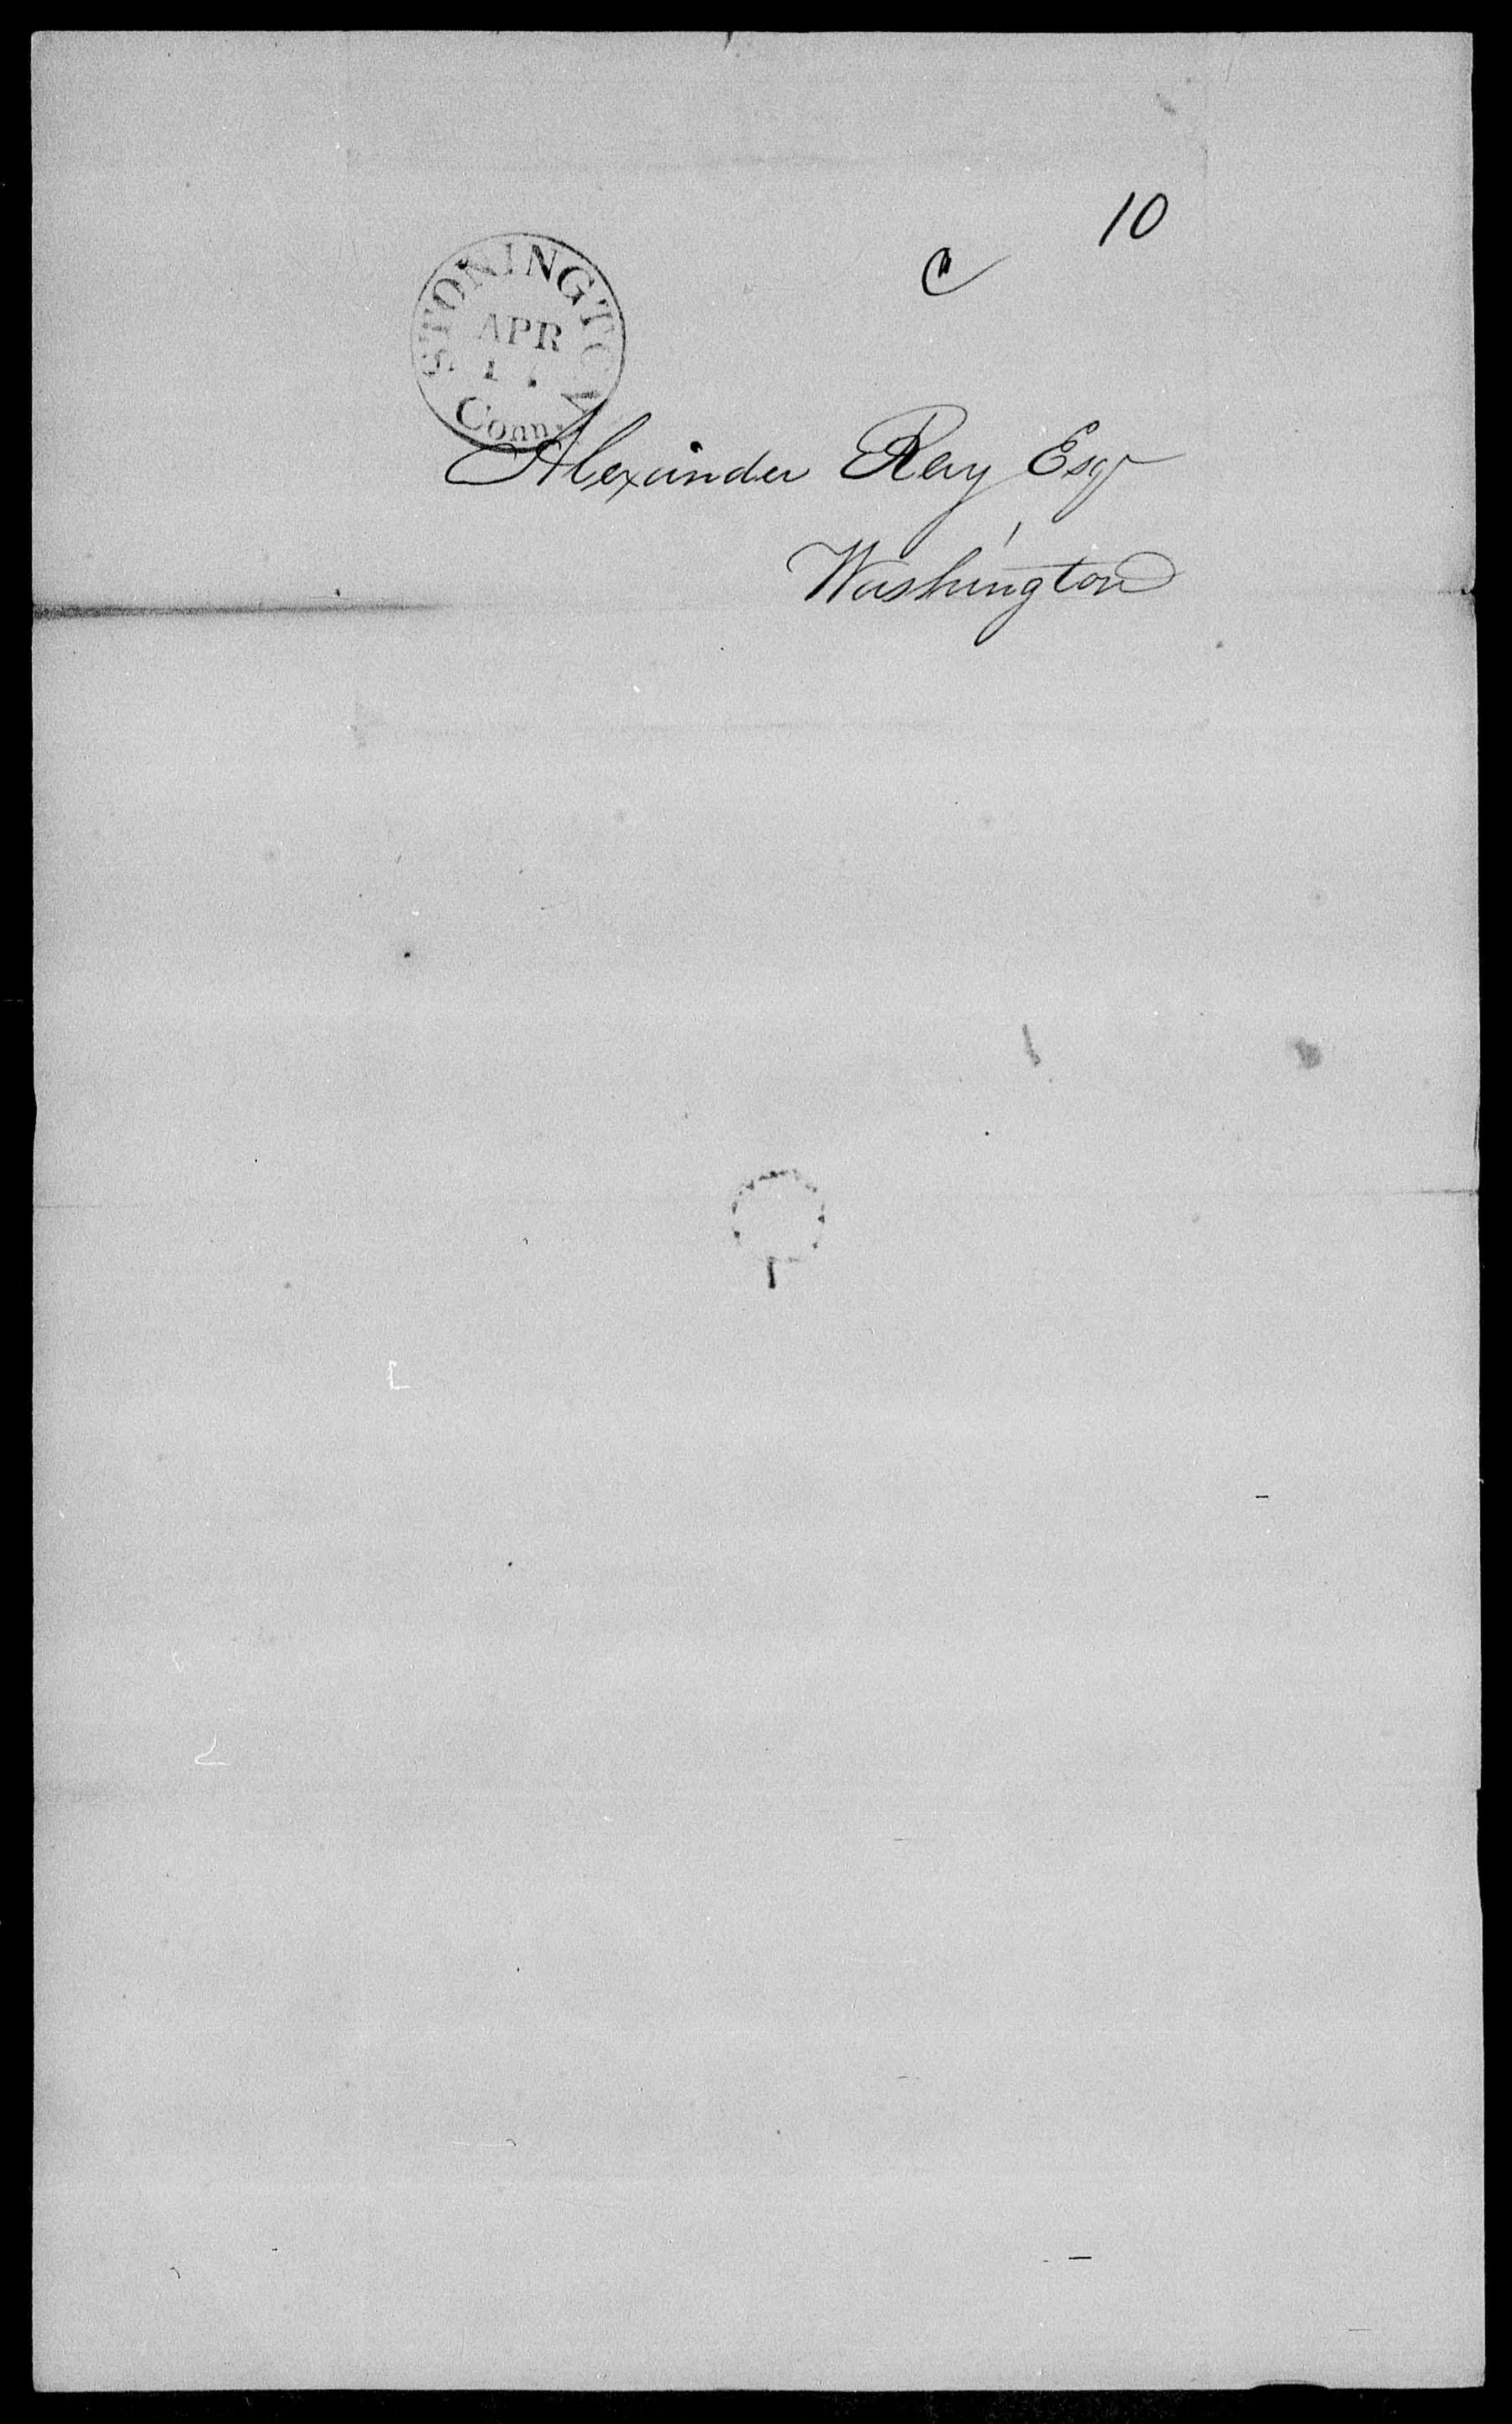Stonington Apr 1- Conn

Alexander Ray Esq
Washington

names: Alexander Ray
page: 33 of 40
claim: rejected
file: R. 4251, John Green, Conn.